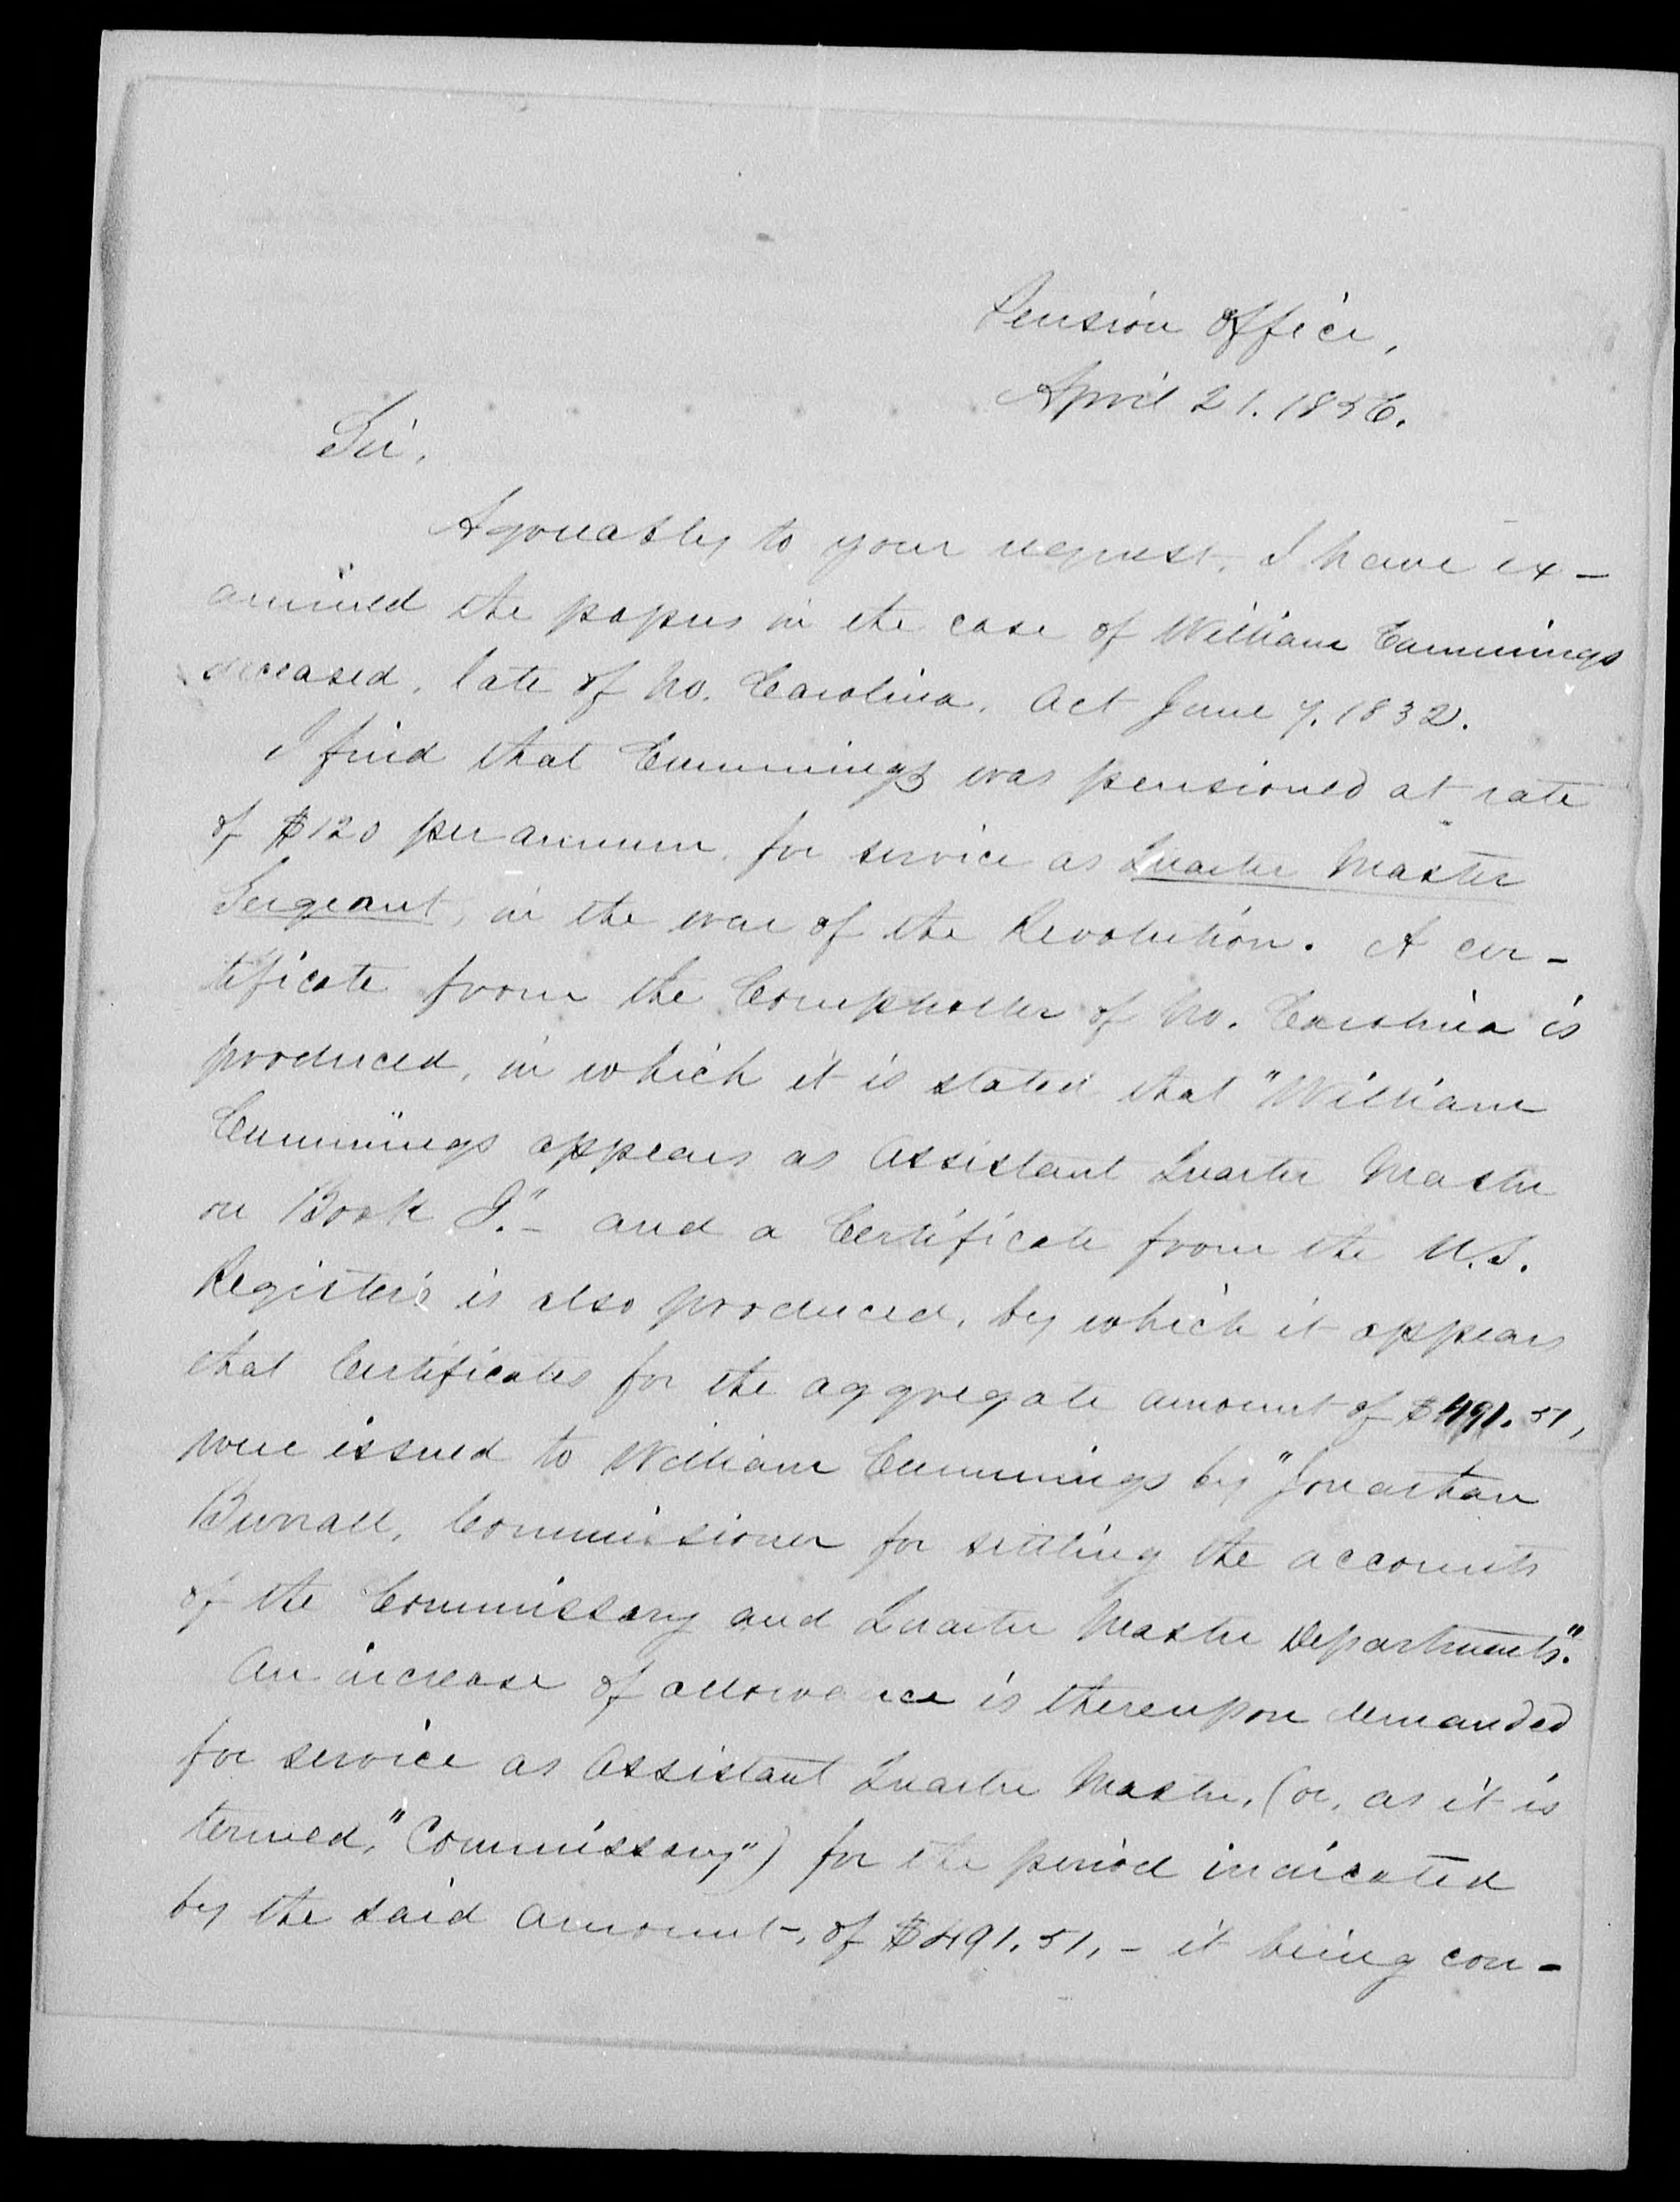[Handwritten letter]

Pension office,
April 21. 1856.

Sir,

Agreeably to your request, I have examined the papers in the case of William Cummings deceased, late of No. Carolina, Act June 7, 1832.

I find that Cummings was pensioned at rate of $120 per annum for service as [here the next three words are underlined] Quarter Master Sergeant, in the war of the Revolution.  A certificate from the Comptroller of No. Carolina is produced, in which it is stated that William Cummings appears as Assistant Quarter Master in [or on] Book J." [or I."]- and a Certificate from the U.S. Register's is also produced, by which it appears that Certificates for the aggregate amount of [smudged] $491.57, were issued to William Cummings by "Jonathan Burrall, Commissioner for settling the accounts of the Commissary and Quarter Master Departments."

An increase of allowance is thereupon [?] demanded [or rewarded] for service as Assistant Quarter Master, (or, as it is termed, "Commissary") for the period indicated by the said amount, of $491,51, - it being con-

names: Jonathan Burrall, William Cummings, Cummings, William Cummings, William Cummings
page: 40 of 145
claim: survivor's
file: S. 8265, William Cumming, N.C.